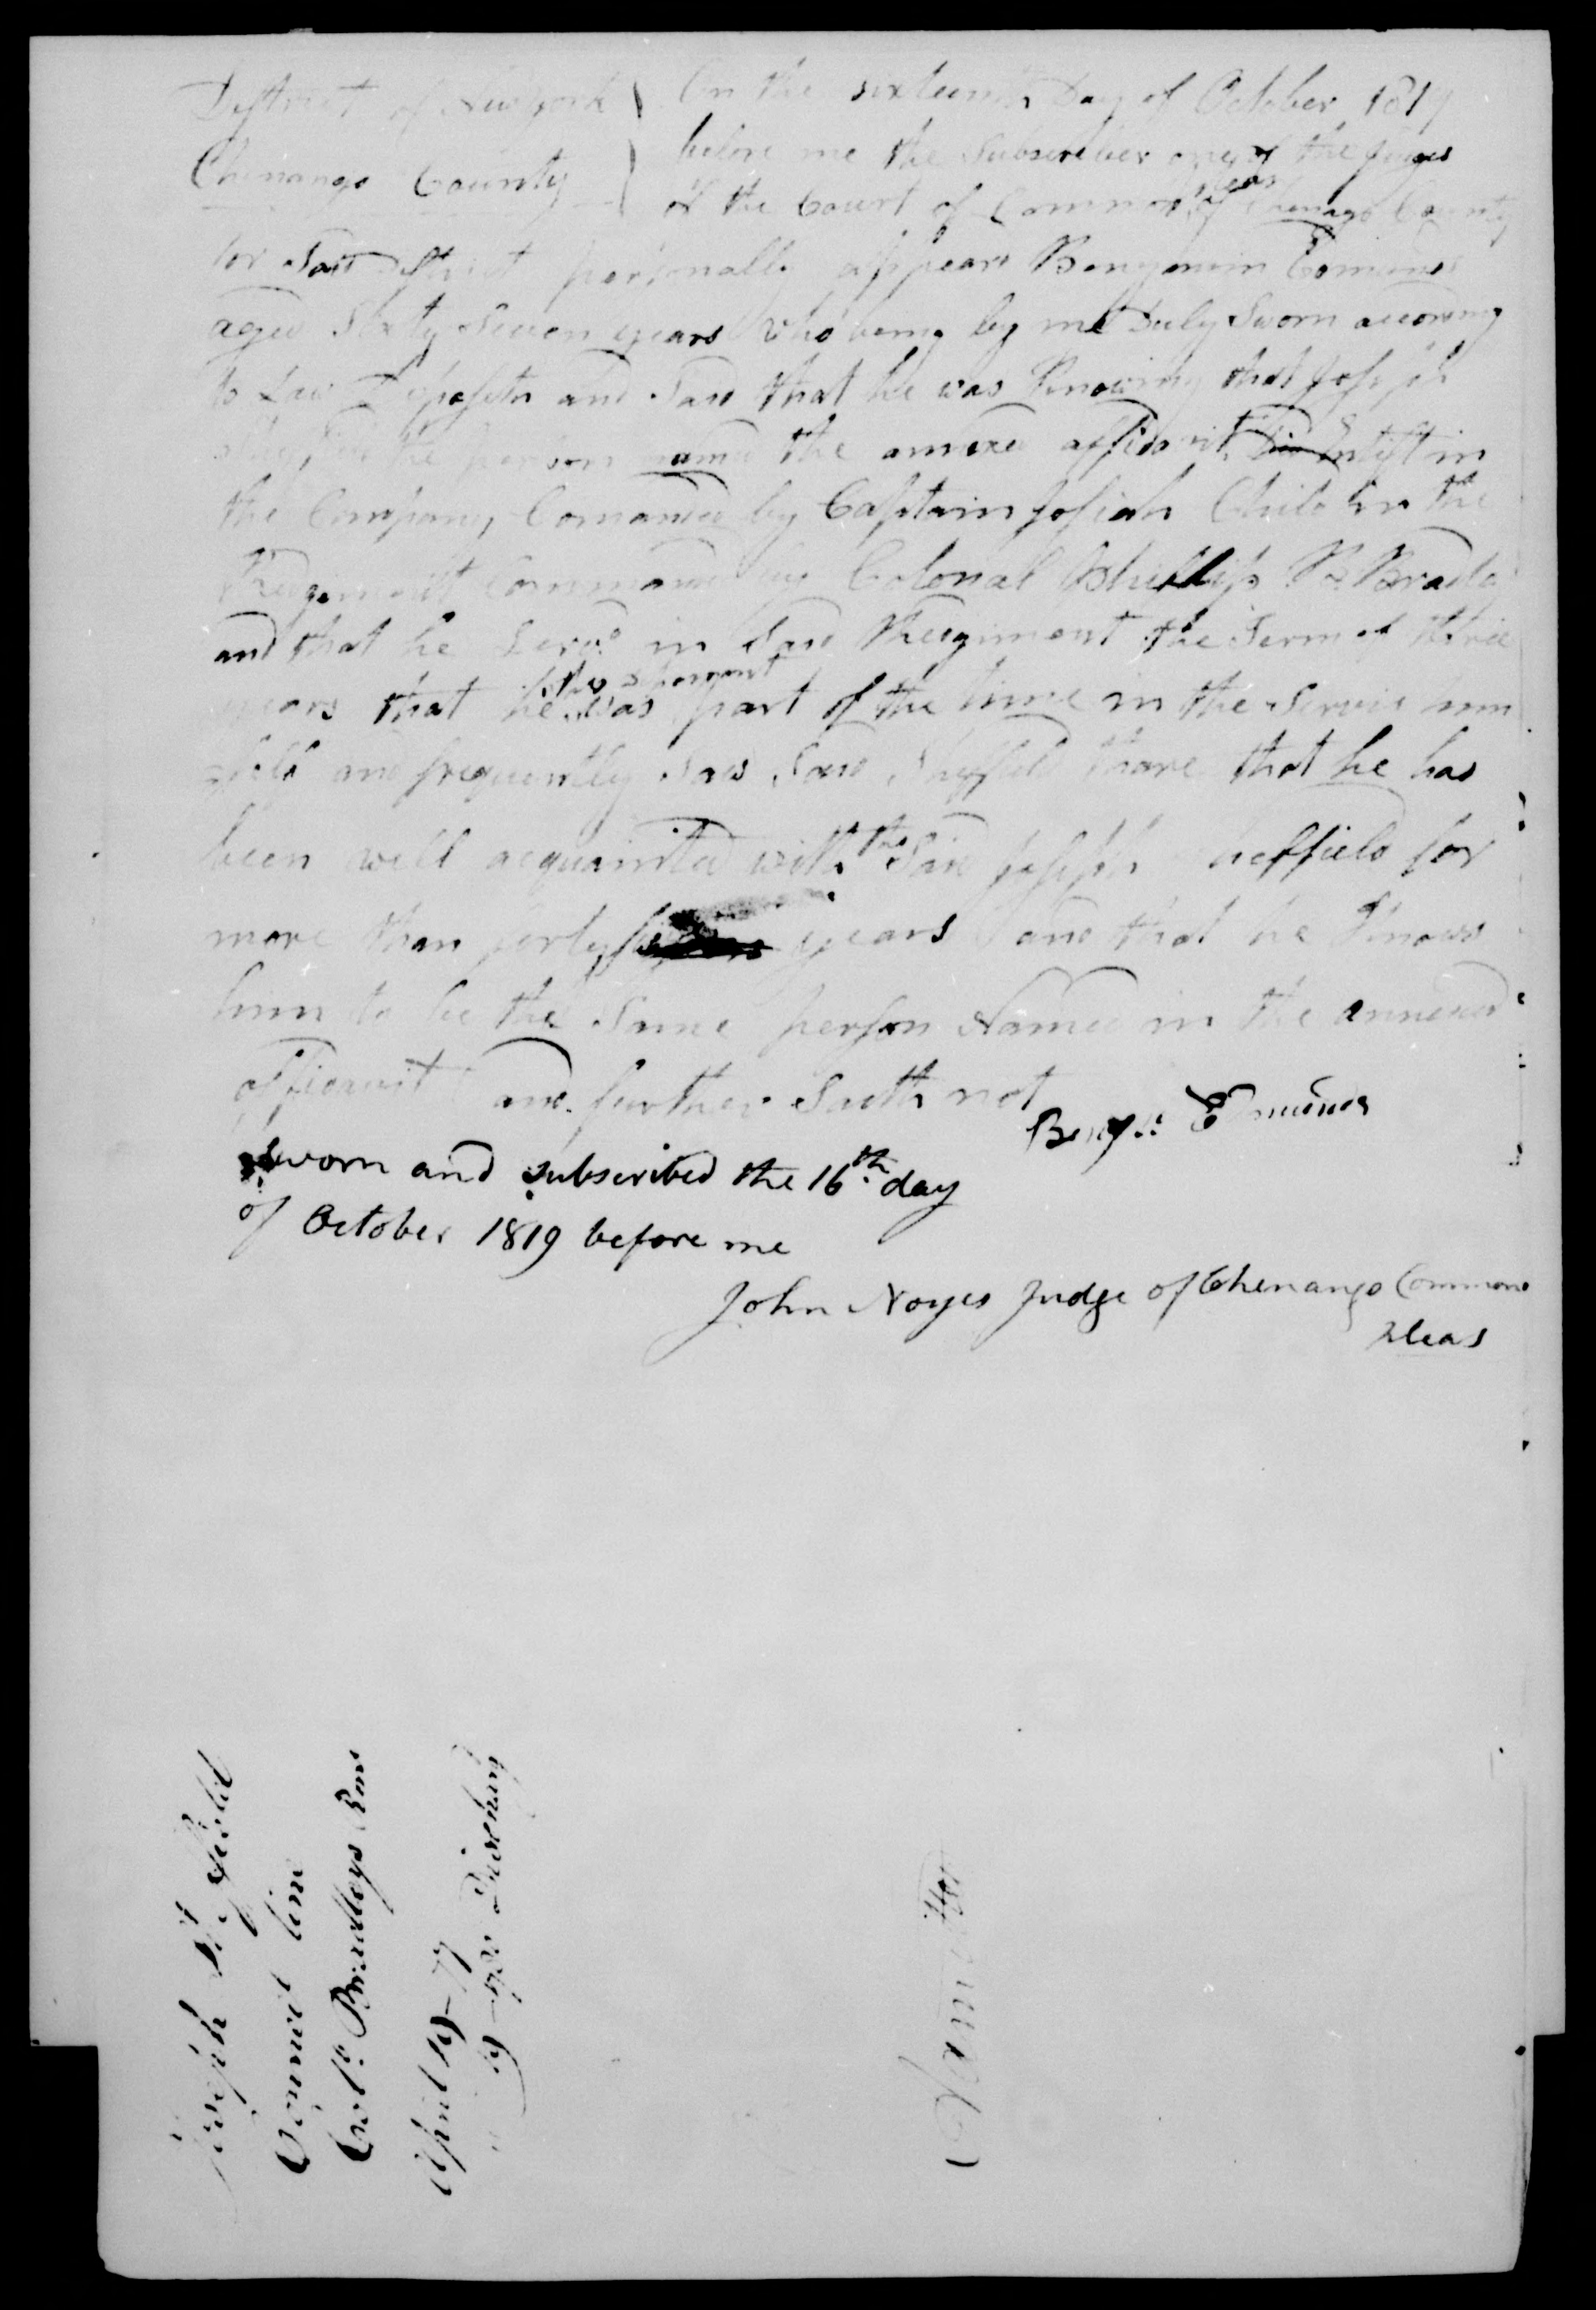District of New York
Chenango County
On the sixteenth day of October 1819
before me the Subscriber one of the Judges
Chenango County in the Court of Common Pleas Chenango County
for said district personally appeared Benjamin Edmunds
aged sixty seven years who being by me duly sworn according to
Law Deposeth and saith that he was known Joseph 
Sheffield the person named in the annexed affidavit in
the Company commanded by Captain Josiah Child in the
Regiment command by Colonel Philip B. Bradley
and that he served in said Regiment the Term of three
years that he was to the [illegible] part of the time in the service himself
and frequently saw said Sheffield there that he has
been well acquainted with the said Joseph Sheffield for
more than forty years and that he knows
him to be the same person name in the annexed
affidavit and further saith not
Benjamin Edmunds [signature]
Sworn and subscribed the 16th day of October 1819 before me
John Noyes Judge of Chenango Common Pleas

[sideways at bottom]
Joseph Sheffield
Connect Line
Col. Bradley's Regt
April 19-77
April 19 -1780 Discharged

Admitted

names: Josiah Child; [BLANK] Sheffield; Joseph Sheffield; Joseph Sheffield; John Noyes; Benja Edmunds; Phillip B Bradley; Benjamin Edmunds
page: 9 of 25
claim: survivor's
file: S. 42,272, for Joseph Sheffield, Connecticut